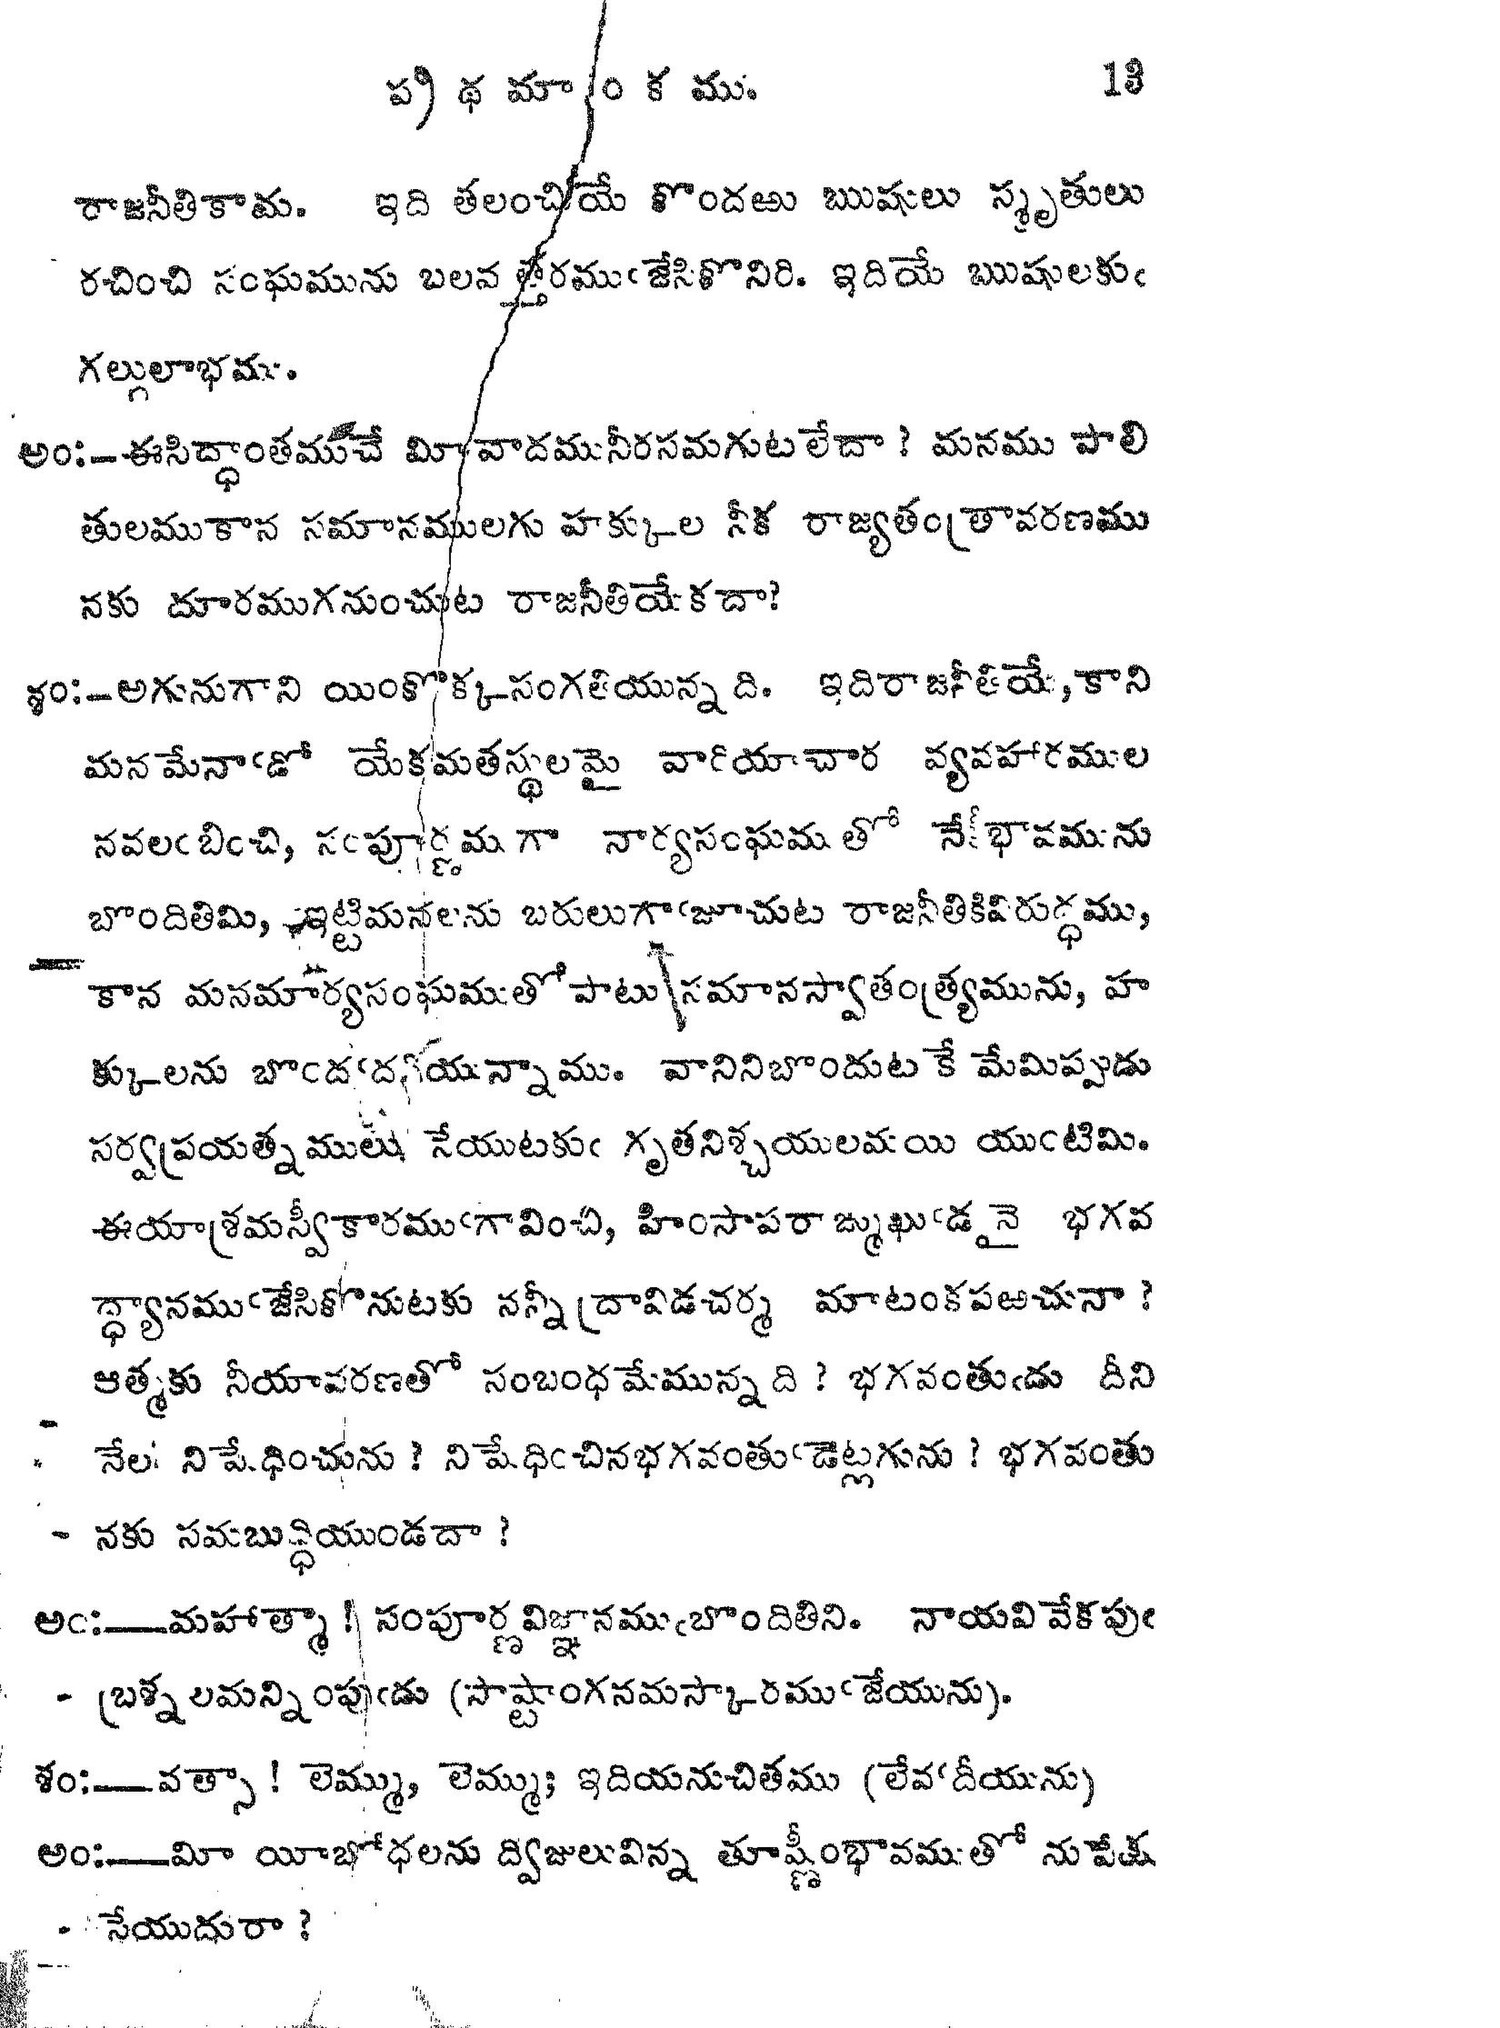రాజనీతి కామ. ఇది తలంచియే కొందఱు ఋషులు స్మృతులు
 రచించి సంఘమును బలవత్తరముఁ జేసికొనిరి. ఇదియే ఋషులకు,
 గల్గులాభము

అం:- ఈ సిద్ధాంతముచే మీ వాదము నీరసమగుట లేదా ? మనము పాలి
 తులము కాన సమానములగు హక్కుల నీక రాజ్యతంత్రావరణము
 నకు దూరముగ నుంచుట రాజనీతియే కదా!

శం:-- అగునుగాని యింకోక్క సంగతి యున్నది. ఇదిరాజనీతియే , కాని
 మన మేనాడో యేకమతస్థులమై వారియాచార వ్యవహారముల
 నవలం బించి, సంపూర్ణముగా నార్యసంఘమ తోనే భావమును
 బొందితిమి, ఇట్టి మనలను బరులుగా జూచుట రాజనీతికి విరుద్దము,
 కాన మనమార్య సంఘముతో పాటు సమాన స్వాతంత్ర్యమును, హ
 క్కులను బొంద దగియున్నాము. నానిని బొందుటకే మేమిప్పుడు
 సర్వప్రయత్నములు చేయుటకుఁ గృతనిశ్చయులమయి యుంటిమి.
 ఈయాశ్రమ స్వీకారముఁగావించి, హింసాపరాజ్ముఖుఁడనై భగవ
 ధ్యానముఁ జేసికొనుటకు నన్నీ ద్రావిడ ధర్మ మాటంకపఱుచునా ?
 ఆత్మకు నీయావరణతో సంబంధ మేమున్నది ? భగవంతుఁడు దీని
 నేల నిషేధించును ? నిషేధించిన భగవంతుఁడెట్లగును ? భగవంతు
 నకు సమబుద్ధి యుండదా !

అం:-మహాత్మా! సంపూర్ణ విజ్ఞానము బొందితిని. నాయవివేకప
 బ్రశ్న లమన్నింపుఁడు (సాష్టాంగ నమస్కారముఁ జేయును),

శం: వత్సా ! లెమ్ము, లెమ్ము; ఇదియనుచితము (లేవ దీయును)

అం:- ఈ యీబోధలను ద్విజులు విన్న తూష్ణీభావముతో నుపేక్ష
 సేయుదురా? 

.